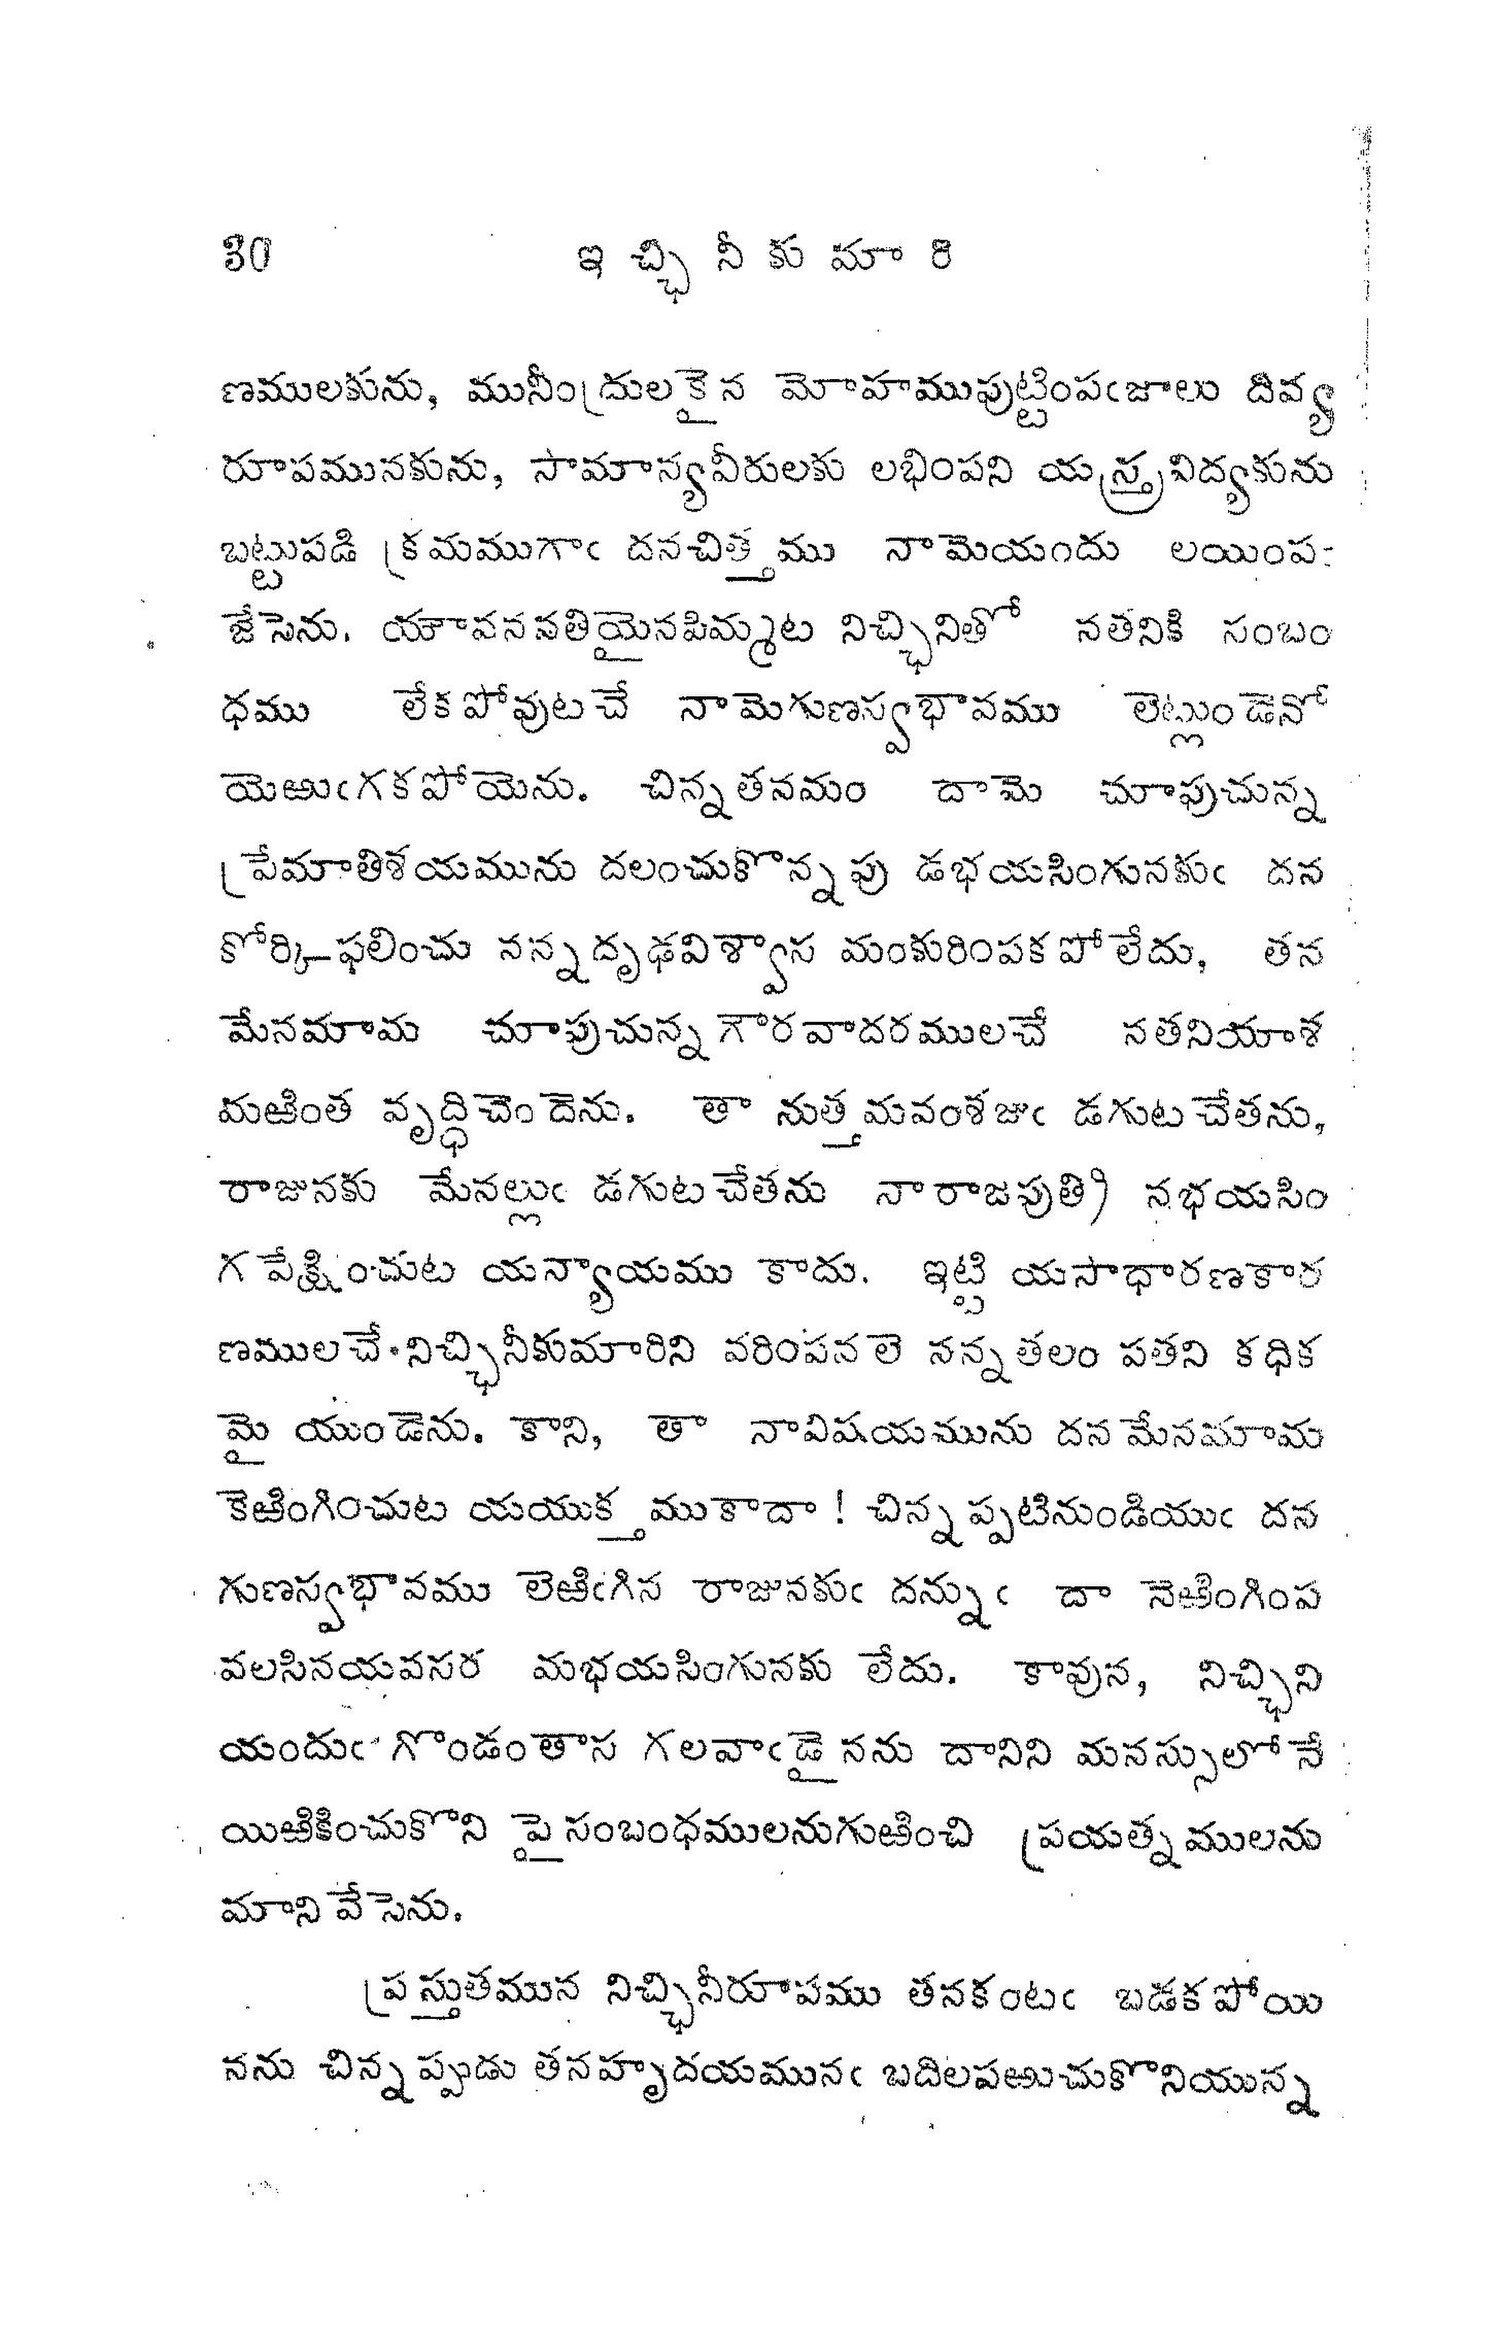ణములకును, మునీంద్రులకైన మోహము పుట్టింపఁజాలు దివ్య రూపమునకును, సామాన్య వీరులకు లభింపని యస్త్ర విద్యకును బట్టుపడి క్రమముగాఁ దన చిత్తము నా మెయందు లయింప జేసెను. యూనన సతియైన పిమ్మట నిచ్ఛినితో నతనికి సంబం ధము లేక పోవుటచే నామె గుణస్వభావము లెట్లుం డెనో యెఱుఁగకపోయెను. చిన్న తనమం దామె చూపుచున్న ప్రేమాతిశయమును దలంచుకొన్నపు డభయసింగునకుఁ దన కోర్కి ఫలించు నన్న దృఢవిశ్వాస మంకురింపక పోలేదు, తన మేనమామ చూపుచున్న గౌరవాదరములచే నతనియాశ మతింత వృద్ధి చెందెను. తా నుత్త మనంశజుఁ డగుట చేతను, రాజునకు మేనల్లుఁ డగుట చేతను నా రాజపుత్రి నభయసిం గవేక్షించుట యన్యాయము కాదు. ఇట్టి యసాధారణ కార ఇముల చే నిచ్ఛినీకుమారిని వరింపన లె నన్న తలం పతని కధిక మై యుండెను. కాని తా నావిషయమును దన మేనమామ కేజింగించుట యయుక్త ముకాదా ! చిన్న ప్పటినుండియుఁ దన గుణస్వభావము లెఱిఁగిన రాజునకుఁ దన్నుఁ దా నెింగింప వలసినయవసర మభయసింగునకు లేదు. కావున, నిచ్ఛిని యందుఁ గొండంతాస గలవాఁడై నను దానిని మనస్సులో నే యిఱికించుకొని పై సంబంధములను గుఱించి ప్రయత్నములను మాని వేసెను.

ప్రస్తుతమున నిచ్ఛినీరూపము తనకంటఁ బడక పోయి నను చిన్నప్పుడు తన హృదయమునఁ బదిలపఱుచుకొనియున్న